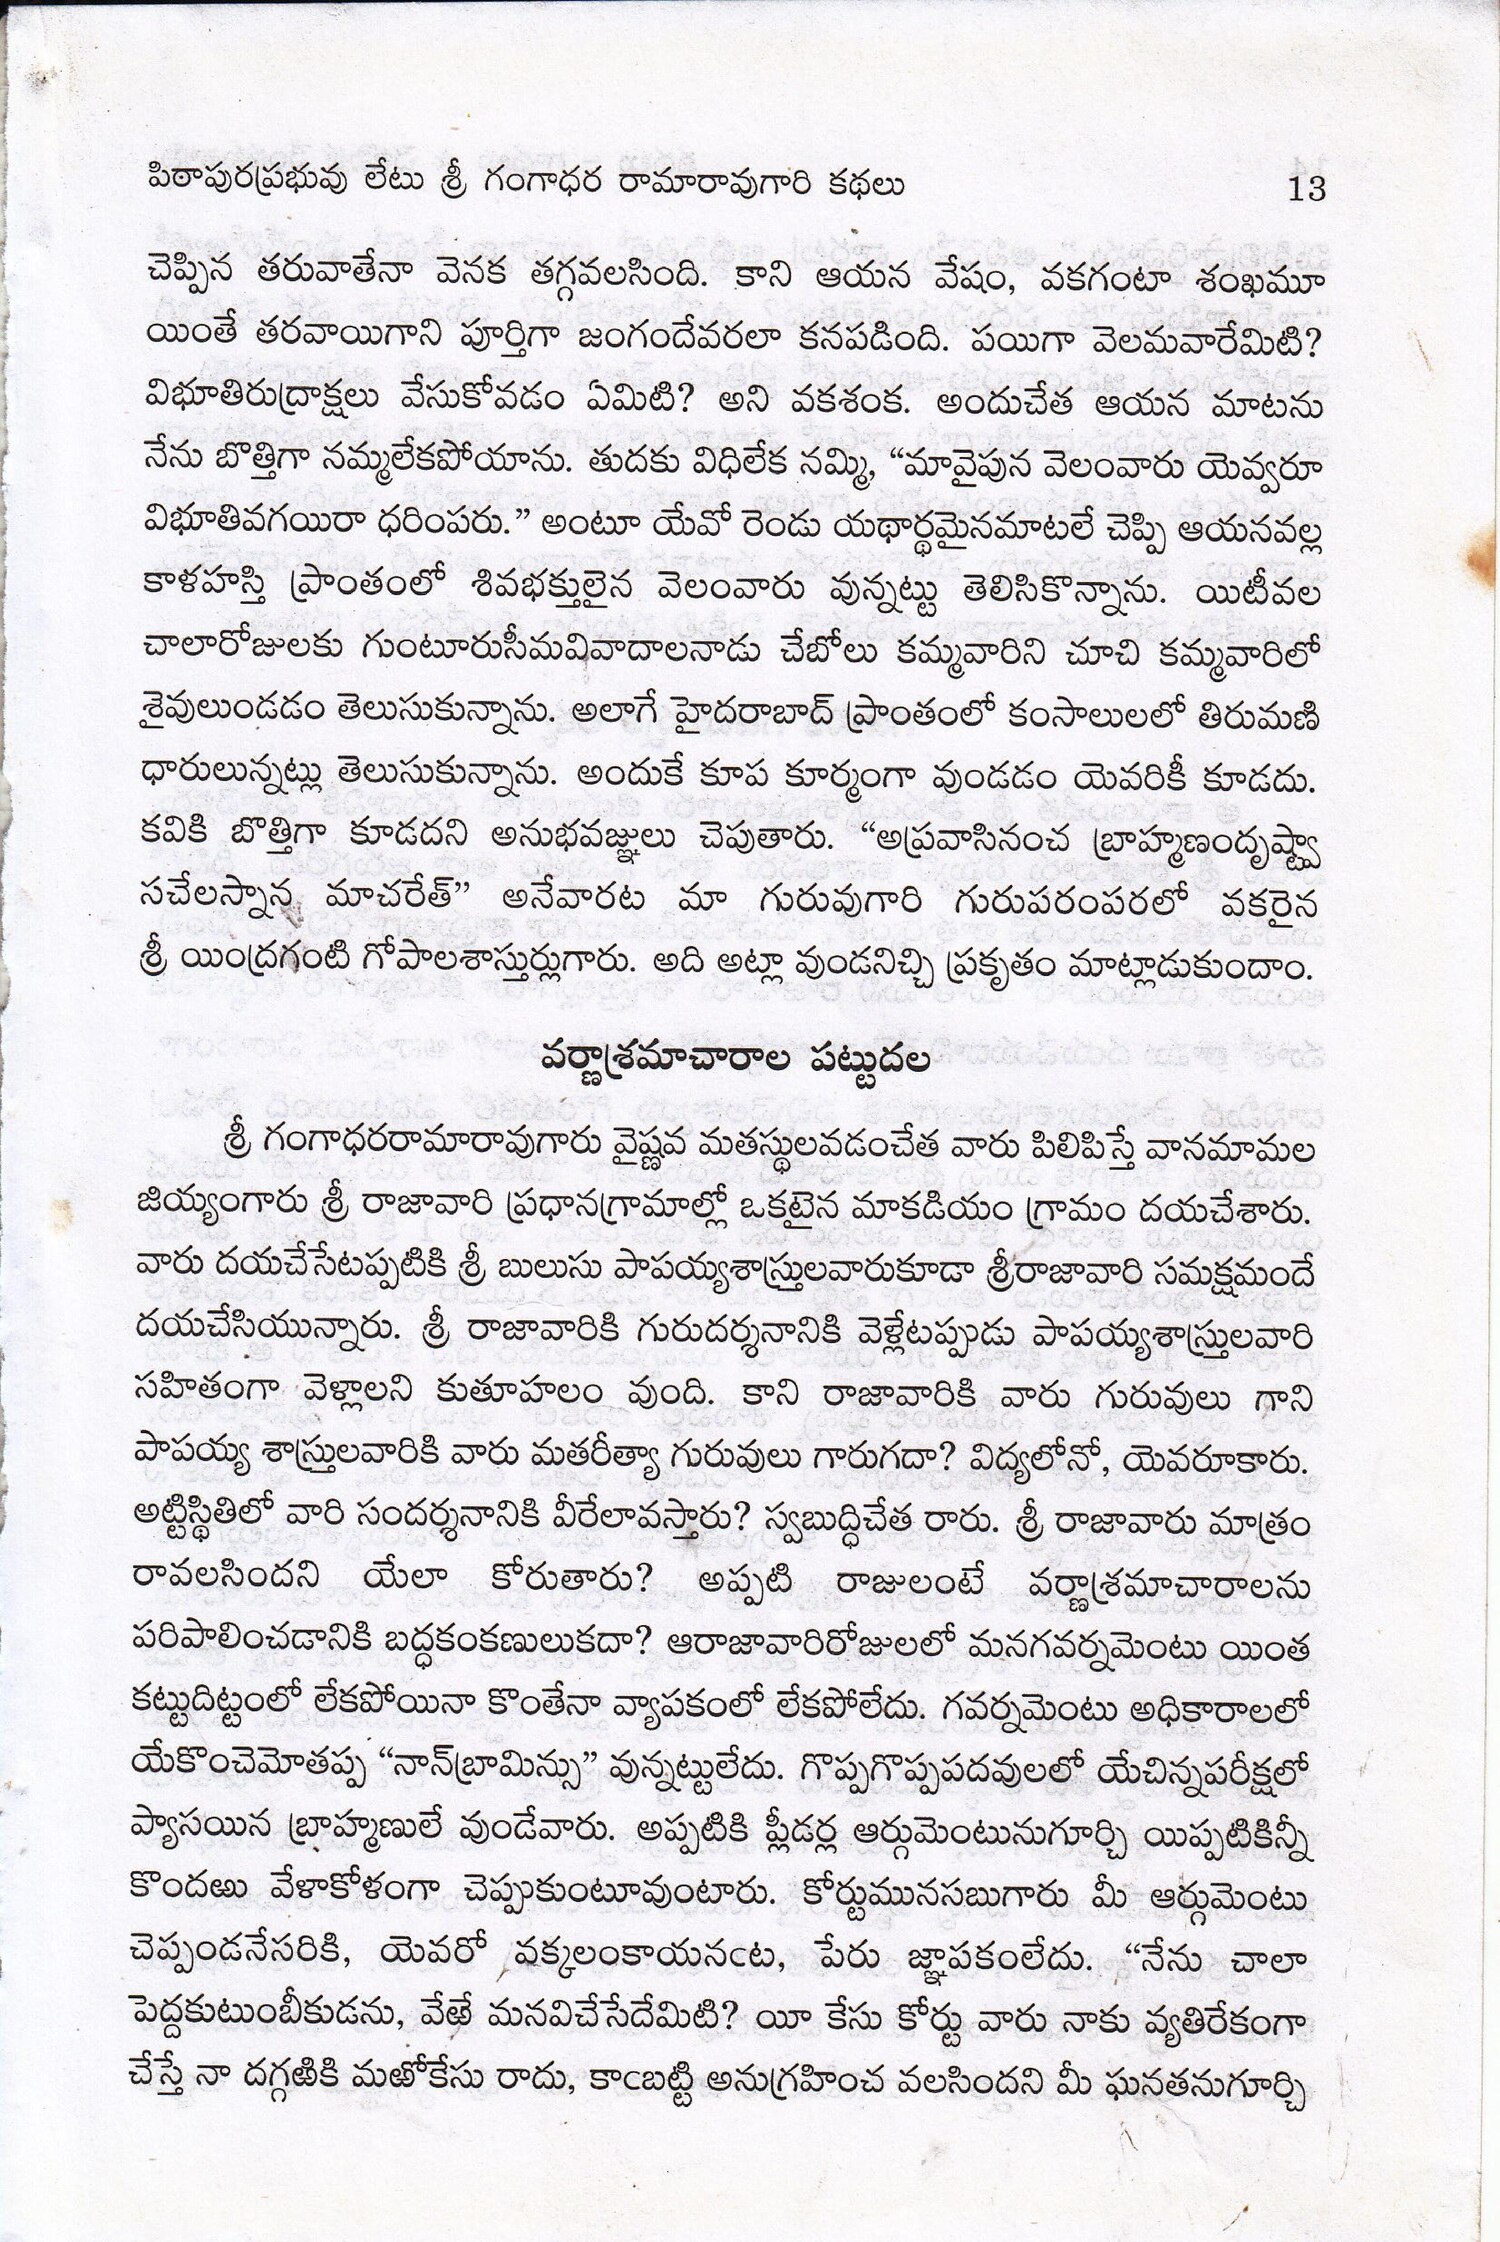చెప్పిన తరువాతేనా వెనక తగ్గవలసింది. కాని ఆయన వేషం, వకగంటా శంఖమూ యింతే తరవాయిగాని పూర్తిగా జంగందేవరలా కనపడింది. పయిగా వెలమవారేమిటి? విభూతిరుద్రాక్షలు వేసుకోవడం ఏమిటి? అని వకశంక. అందుచేత ఆయన మాటను నేను బొత్తిగా నమ్మలేకపోయాను. తుదకు విధిలేక నమ్మి, “మావైపున వెలంవారు యెవ్వరూ విభూతివగయిరా ధరింపరు.” అంటూ యేవో రెండు యథార్థమైనమాటలే చెప్పి ఆయనవల్ల కాళహస్తి ప్రాంతంలో శివభక్తులైన వెలంవారు వున్నట్టు తెలిసికొన్నాను. యిటీవల చాలారోజులకు గుంటూరుసీమవివాదాలనాడు చేబోలు కమ్మవారిని చూచి కమ్మవారిలో శైవులుండడం తెలుసుకున్నాను. అలాగే హైదరాబాద్ ప్రాంతంలో కంసాలులలో తిరుమణి ధారులున్నట్లు తెలుసుకున్నాను. అందుకే కూప కూర్మంగా వుండడం యెవరికీ కూడదు. కవికి బొత్తిగా కూడదని అనుభవజ్ఞులు చెపుతారు. “అప్రవాసినంచ బ్రాహ్మణందృష్ట్వా సచేలస్నాన మాచరేత్" అనేవారట మా గురువుగారి గురుపరంపరలో వకరైన శ్రీ యింద్రగంటి గోపాలశాస్తుర్లుగారు. అది అట్లా వుండనిచ్చి ప్రకృతం మాట్లాడుకుందాం.

శ్రీ గంగాధరరామారావుగారు వైష్ణవ మతస్థులవడంచేత వారు పిలిపిస్తే వానమామల జియ్యంగారు శ్రీ రాజావారి ప్రధానగ్రామాల్లో ఒకటైన మాకడియం గ్రామం దయచేశారు. వారు దయచేసేటప్పటికి శ్రీ బులుసు పాపయ్యశాస్రులవారుకూడా శ్రీరాజావారి సమక్షమందే దయచేసియున్నారు. శ్రీ రాజావారికి గురుదర్శనానికి వెళ్లేటప్పుడు పాపయ్యశాస్రులవారి సహితంగా వెళ్లాలని కుతూహలం వుంది. కాని రాజావారికి వారు గురువులు గాని పాపయ్య శాస్రులవారికి వారు మతరీత్యా గురువులు గారుగదా? విద్యలోనో, యెవరూకారు. అట్టిస్థితిలో వారి సందర్శనానికి వీరేలావస్తారు? స్వబుద్ధిచేత రారు. శ్రీ రాజావారు మాత్రం రావలసిందని యేలా కోరుతారు? అప్పటి రాజులంటే వర్ణాశ్రమాచారాలను పరిపాలించడానికి బద్ధకంకణులుకదా? ఆరాజావారిరోజులలో మనగవర్నమెంటు యింత కట్టుదిట్టంలో లేకపోయినా కొంతేనా వ్యాపకంలో లేకపోలేదు. గవర్నమెంటు అధికారాలలో
యేకొంచెమోతప్ప “నాన్‌బ్రామిన్సు" వున్నట్టులేదు. గొప్పగొప్పపదవులలో యేచిన్నపరీక్షలో ప్యాసయిన బ్రాహ్మణులే వుండేవారు. అప్పటికి ప్లీడర్ల ఆర్గుమెంటునుగూర్చి యిప్పటికిన్నీ కొందఱు వేళాకోళంగా చెప్పకుంటూవుంటారు. కోర్టుమునసబుగారు మీ ఆర్గుమెంటు చెప్పండనేసరికి, యెవరో వక్కలంకాయనఁట, పేరు జ్ఞాపకంలేదు. “నేను చాలా పెద్దకుటుంబీకుడను, వేఱే మనవిచేసేదేమిటి? యీ కేసు కోర్డు వారు నాకు వ్యతిరేకంగా చేస్తే నా దగ్గఱికి మఱోకేసు రాదు, కాఁబట్టి అనుగ్రహించ వలసిందని మీ ఘనతనుగూర్చి
^